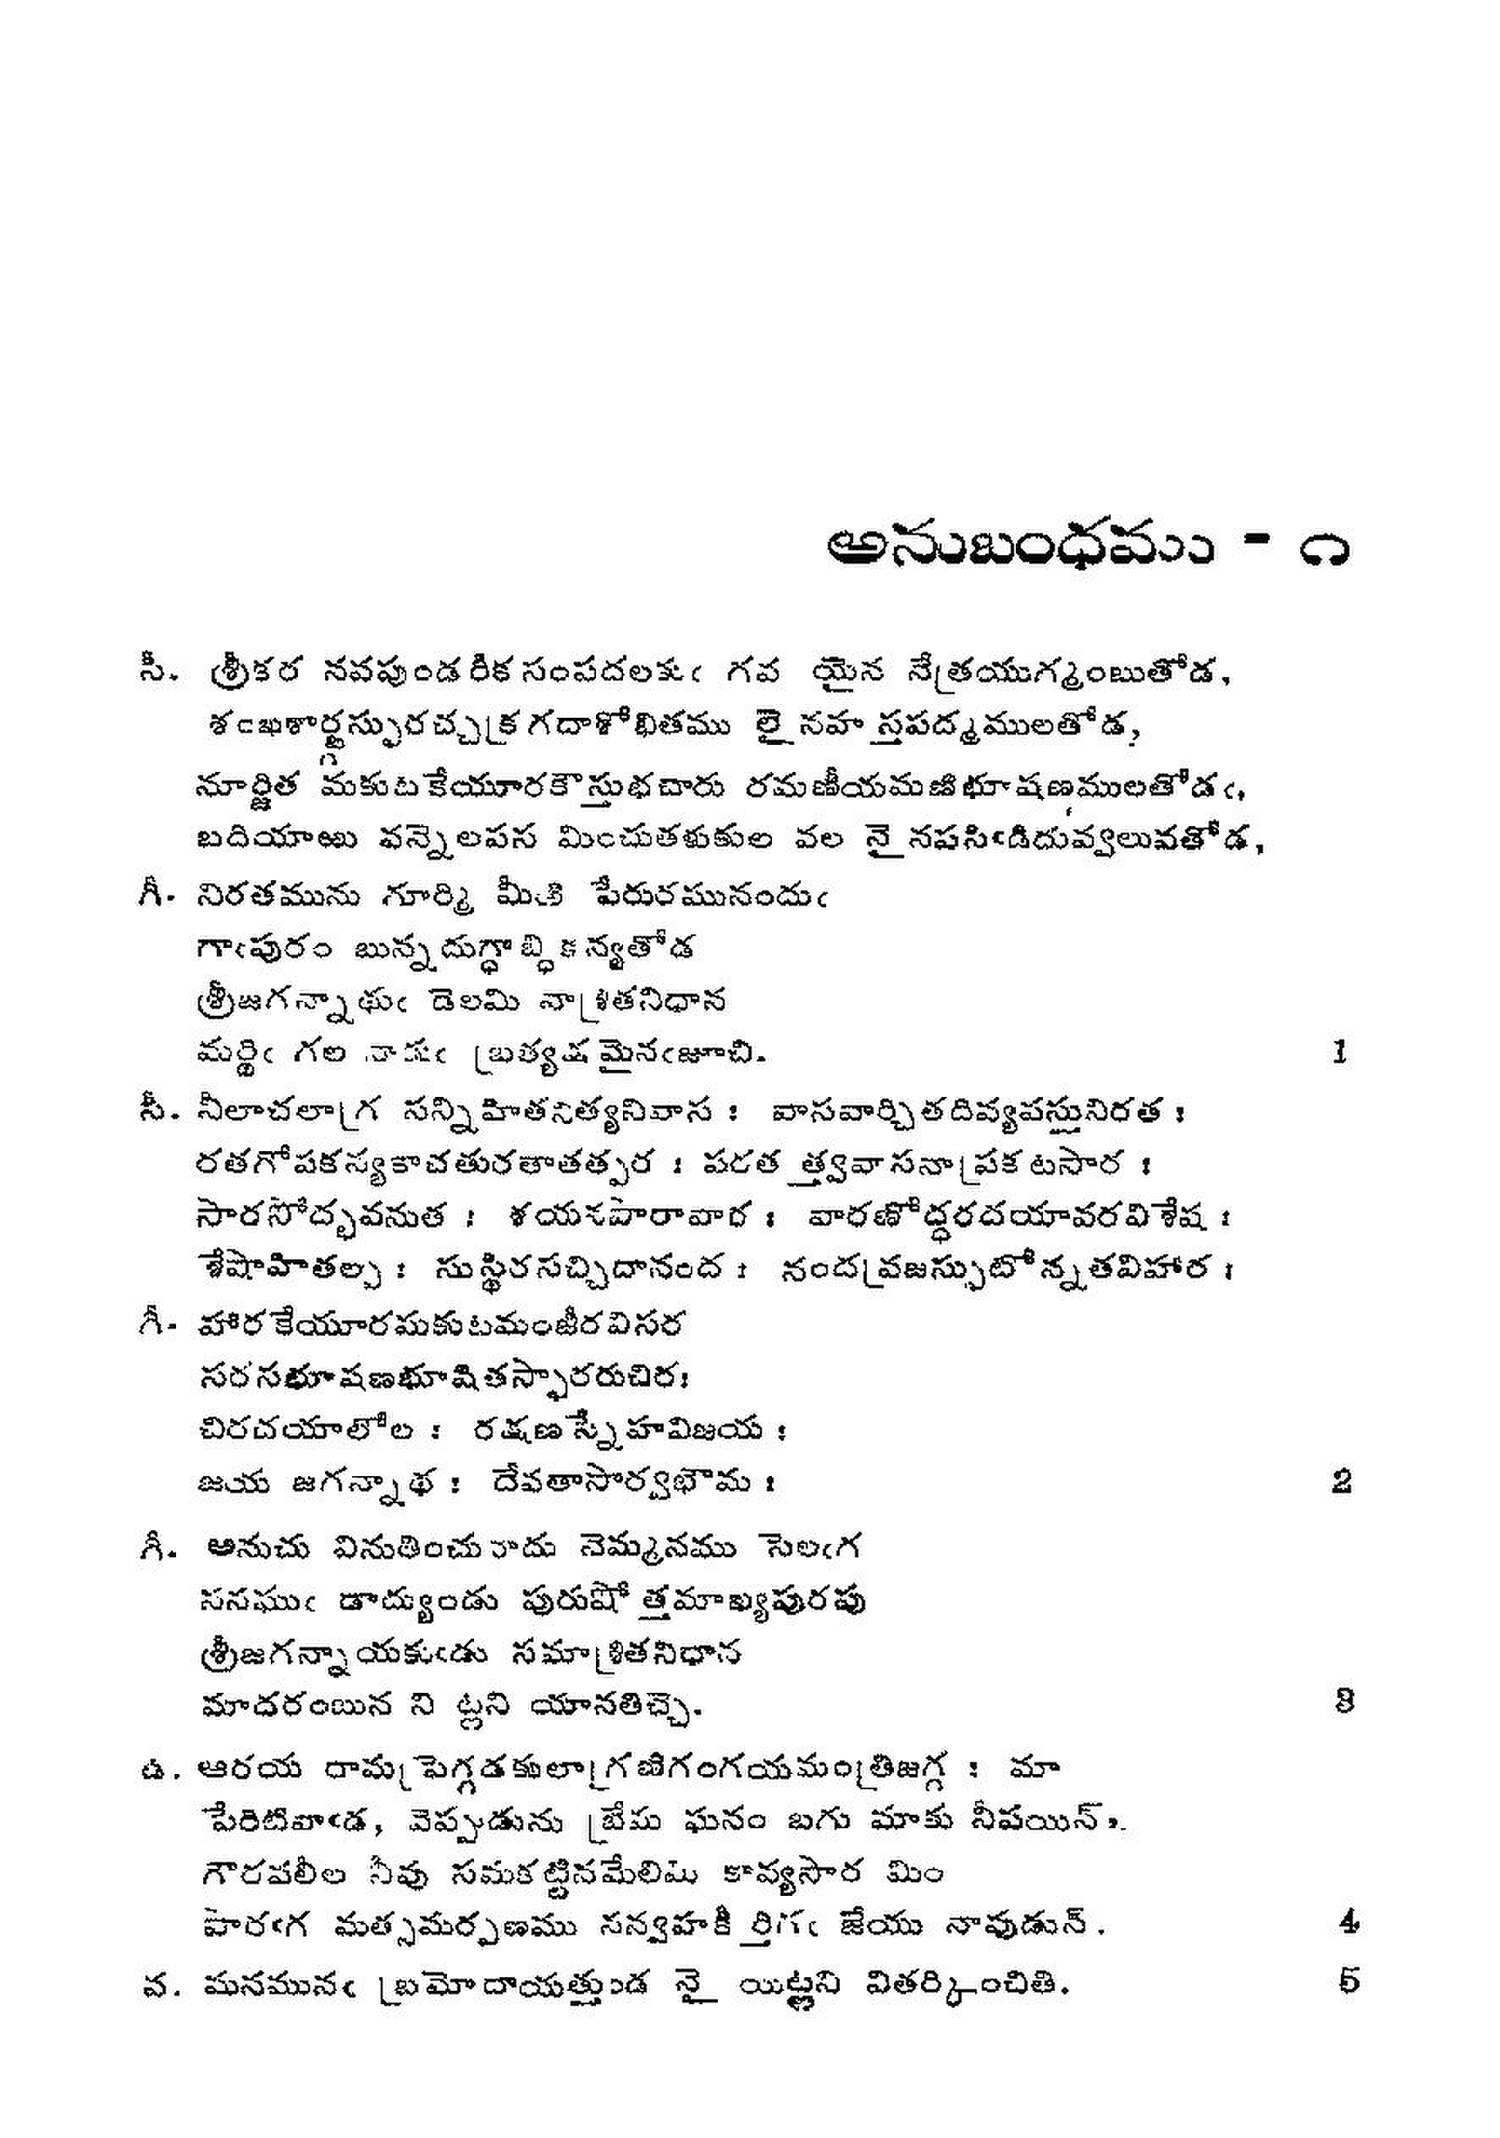సీ. శ్రీకరనవపుండరీకసంపదలకుఁ గవయైన నేత్రయుగ్మంబుతోడ,
శంఖశార్ఙ్గస్ఫురచ్చక్రగదాశోభి తములైన హస్తపద్మములతోడ,
నూర్జితమకుటకేయూరకౌస్తుభచారు రమణీయమణిభూషణములతోడఁ,
బదియాఱు వన్నెల పసమించుతళుకుల వలనైన పసిఁడిదువ్వలువతోడ,
గీ. నిరతమును గూర్మి మీఱి పేరురమునందుఁ
గాఁపురంబున్న దుగ్ధాబ్ధికన్యతోడ
శ్రీజగన్నాథుఁ డెలమి నాశిత్రనిధాన
మర్థిఁ గల నాకుఁ బ్రత్యక్షమైనఁ జూచి. 1

సీ. నీలాచలాగ్రసన్నిహితనివాస! వాసవార్చితదివ్యవస్తునిరత!
రతగోపకన్యకాచతురతాతత్పర! పరతత్త్వవాసనాప్రకటసార!
సారసోధ్బవనుత! శయనపారావార! వారణోద్ధర దయావరవిశేష!
శేషాహితల్ప! సుస్థిరసచ్చిదానంద! నందవ్రజస్ఫుటోన్నతవిహార!
గీ. హారకేయూరమకుటమంజీరవిసర!
సరసభూషణభూషితస్ఫారరుచిర!
చిరదయాలోల! రక్షణస్నేహవిజయ!
జయ జగన్నాథ! దేవతాసార్వభౌమ! 2

గీ. అనుచు వినుతించువారు నాదు నెమ్మనను సెలఁగ
ననఘుఁ డాద్యుండు పురుషోత్తమాఖ్యపురపు
శ్రీజగన్నాయకుండు సమాశ్రితనిధాన
మాదరంబున నిట్లని యానతిచ్చె. 3

ఉ. అరయ రామప్రెగ్గడ కులాగ్రణి గంగయమంత్రిజగ్గ! మా
పేరిటివాఁడ, వెప్పుడును బ్రేమ ఘనంబుగు మాకు నీపయిన్,
గౌరవలీల నీవు సమకట్టిన మేలిమి కావ్యసార మిం
పారఁగ మత్సమర్పణము నన్వహకీర్తిగఁ జేయు నావుడున్. 4

వ. మనమునఁ బ్రమోదాయత్తుండనై యిట్లని వితర్కించితి. 5